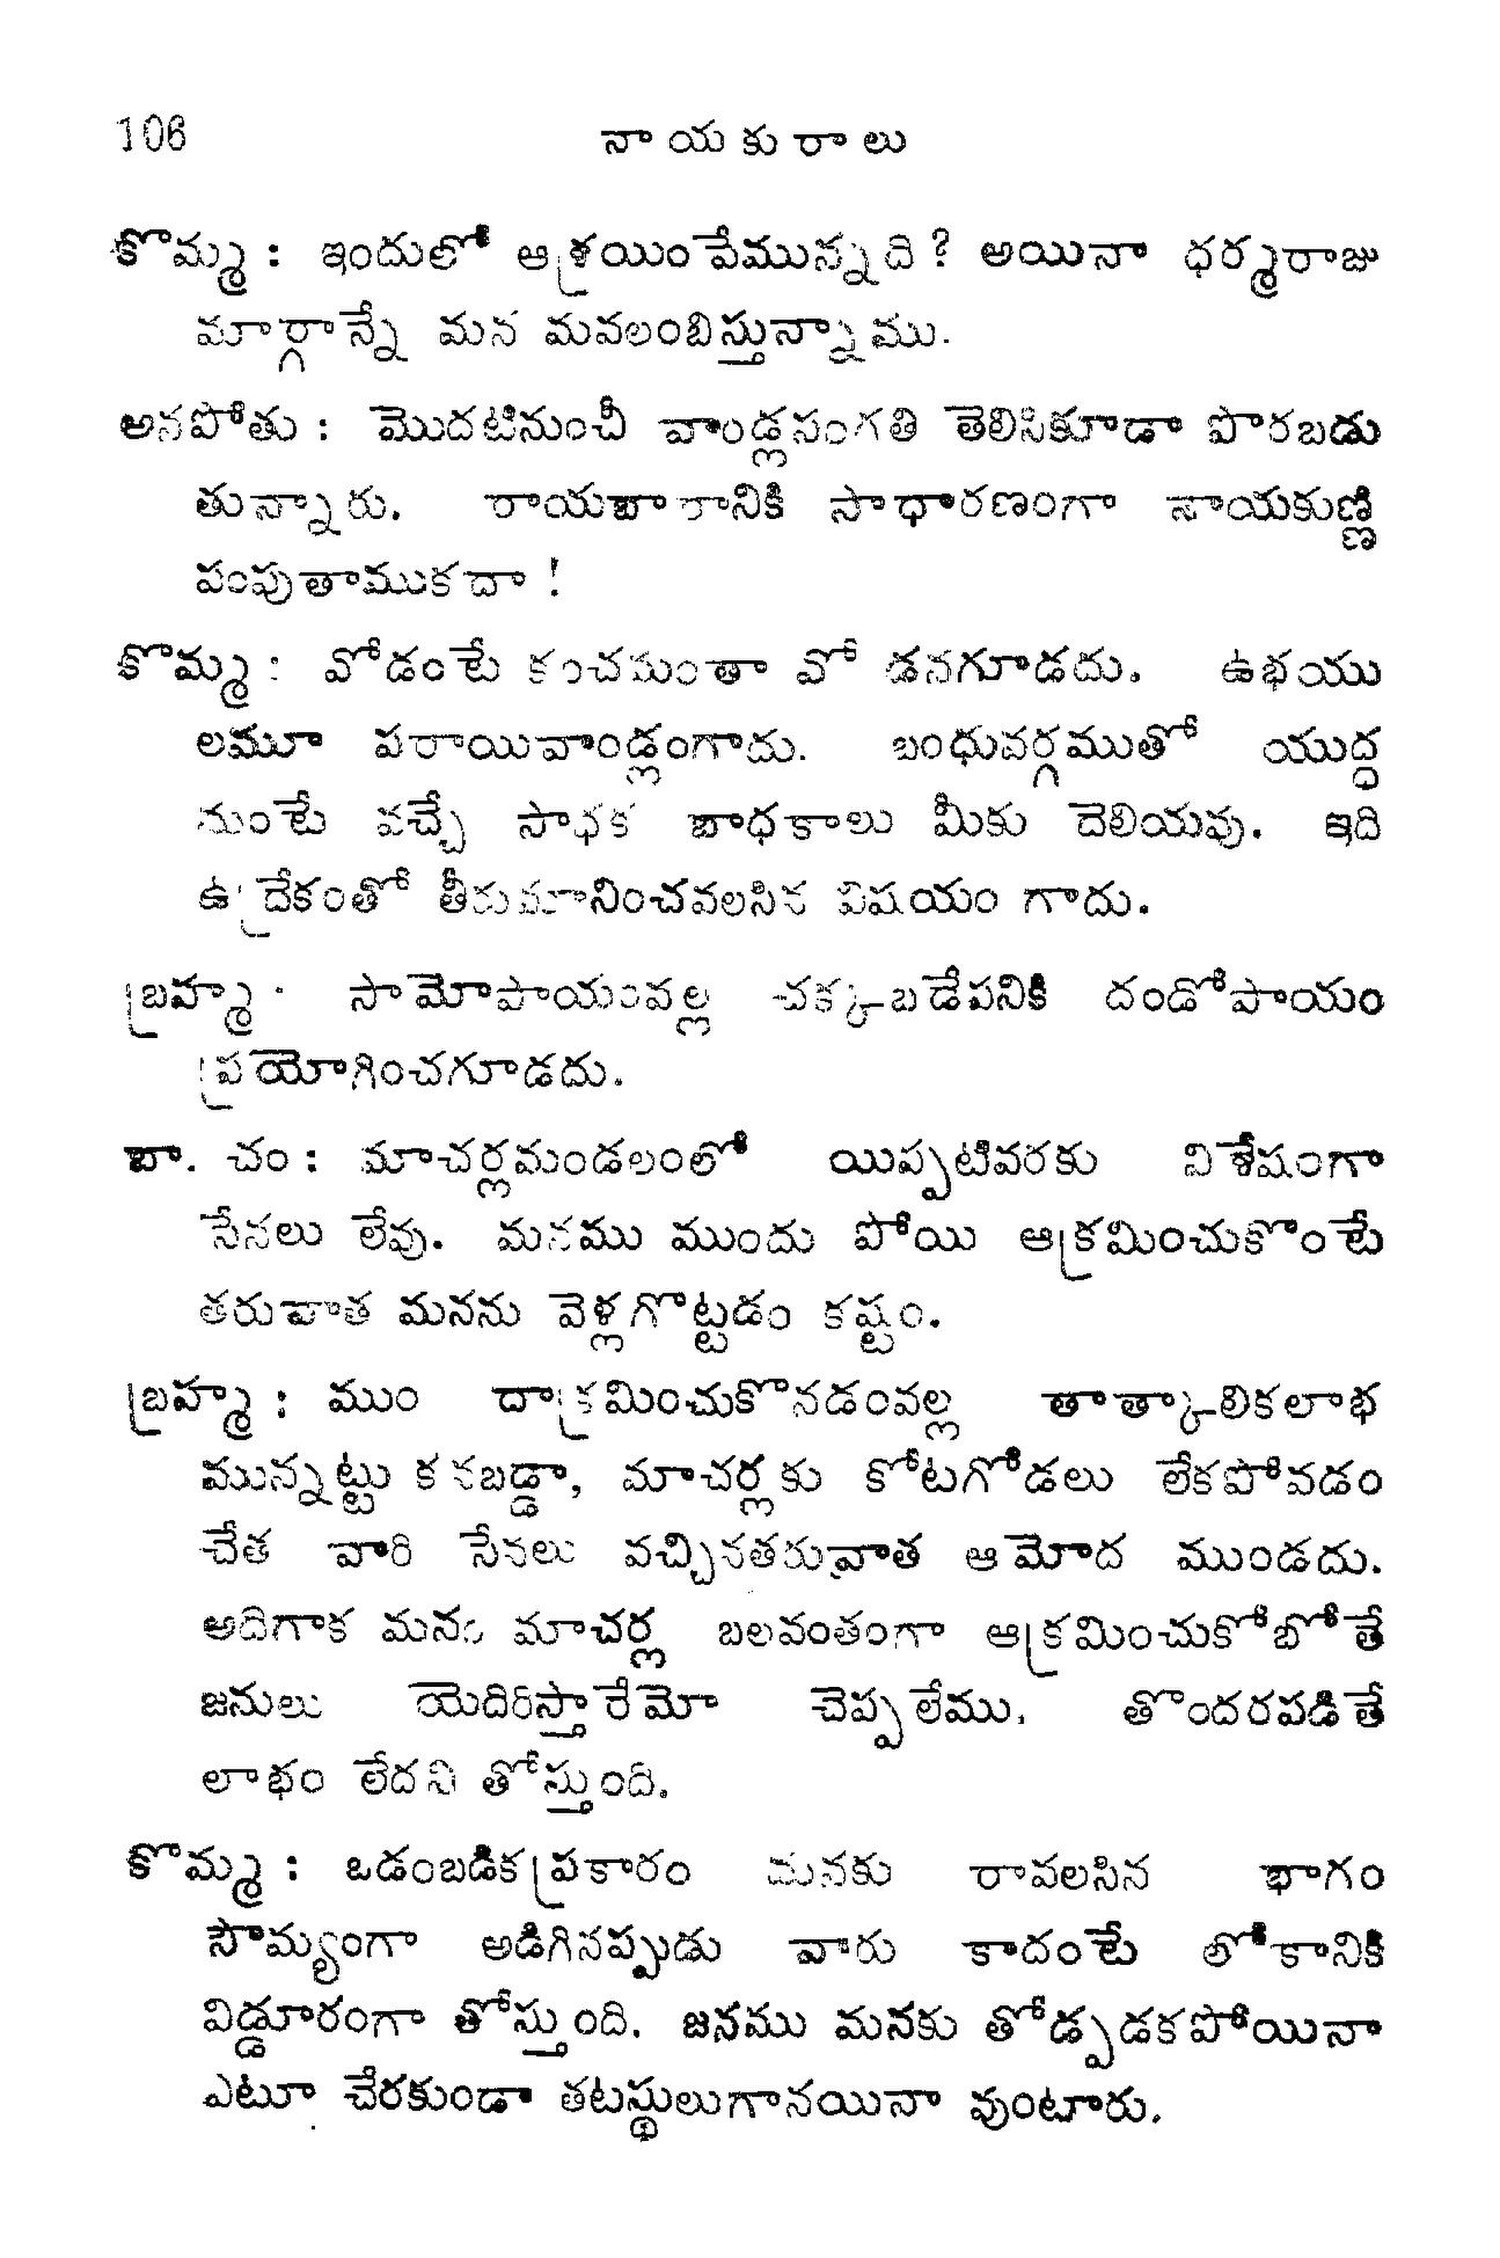కొమ్మ : ఇందులో ఆశ్రయింపేమున్నది? అయినా ధర్మరాజు మార్గాన్నే మన మవలంబిస్తున్నాము.

అనపోతు : మొదటినుంచీ వాండ్లసంగతి తెలిసికూడా పొరబడుతున్నారు. రాయబారానికి సాధారణంగా నాయకుణ్ణి పంపుతాముకదా!

కొమ్మ : వోడంటే కంచమంతా వో డనగూడదు. ఉభయులమూ పరాయివాండ్లంగాదు. బంధువర్గముతో యుద్ధమంటే వచ్చే సాధక బాధకాలు మీకు దెలియవు. ఇది ఉద్రేకంతో తీరుమానించవలసిన విషయం గాదు.

బ్రహ్మ : సామోపాయంవల్ల చక్కబడేపనికి దండోపాయం ప్రయోగించగూడదు.

బా. చం : మాచర్లమండలంలో యిప్పటివరకు విశేషంగా సేనలు లేవు. మనము ముందు పోయి ఆక్రమించుకొంటే తరువాత మనను వెళ్లగొట్టడం కష్టం.

బ్రహ్మ : ముం దాక్రమించుకొనడంవల్ల తాత్కాలికలాభ మున్నట్టు కనబడ్డా, మాచర్లకు కోటగోడలు లేకపోవడం చేత వారి సేనలు వచ్చినతరువాత ఆమోద ముండదు. అదిగాక మనం మాచర్ల బలవంతంగా ఆక్రమించుకోబోతే జనులు యెదిరిస్తారేమో చెప్పలేము. తొందరపడితే లాభం లేదని తోస్తుంది.

కొమ్మ : ఒడంబడికప్రకారం మనకు రావలన భాగం సౌమ్యంగా అడిగినప్పుడు వారు కాదంటే లోకానికి
విడ్డూరంగా తోస్తుంది. జనము మనకు తోడ్పడకపోయినా ఎటూ చేరకుండా తటస్థులుగానయినా వుంటారు.